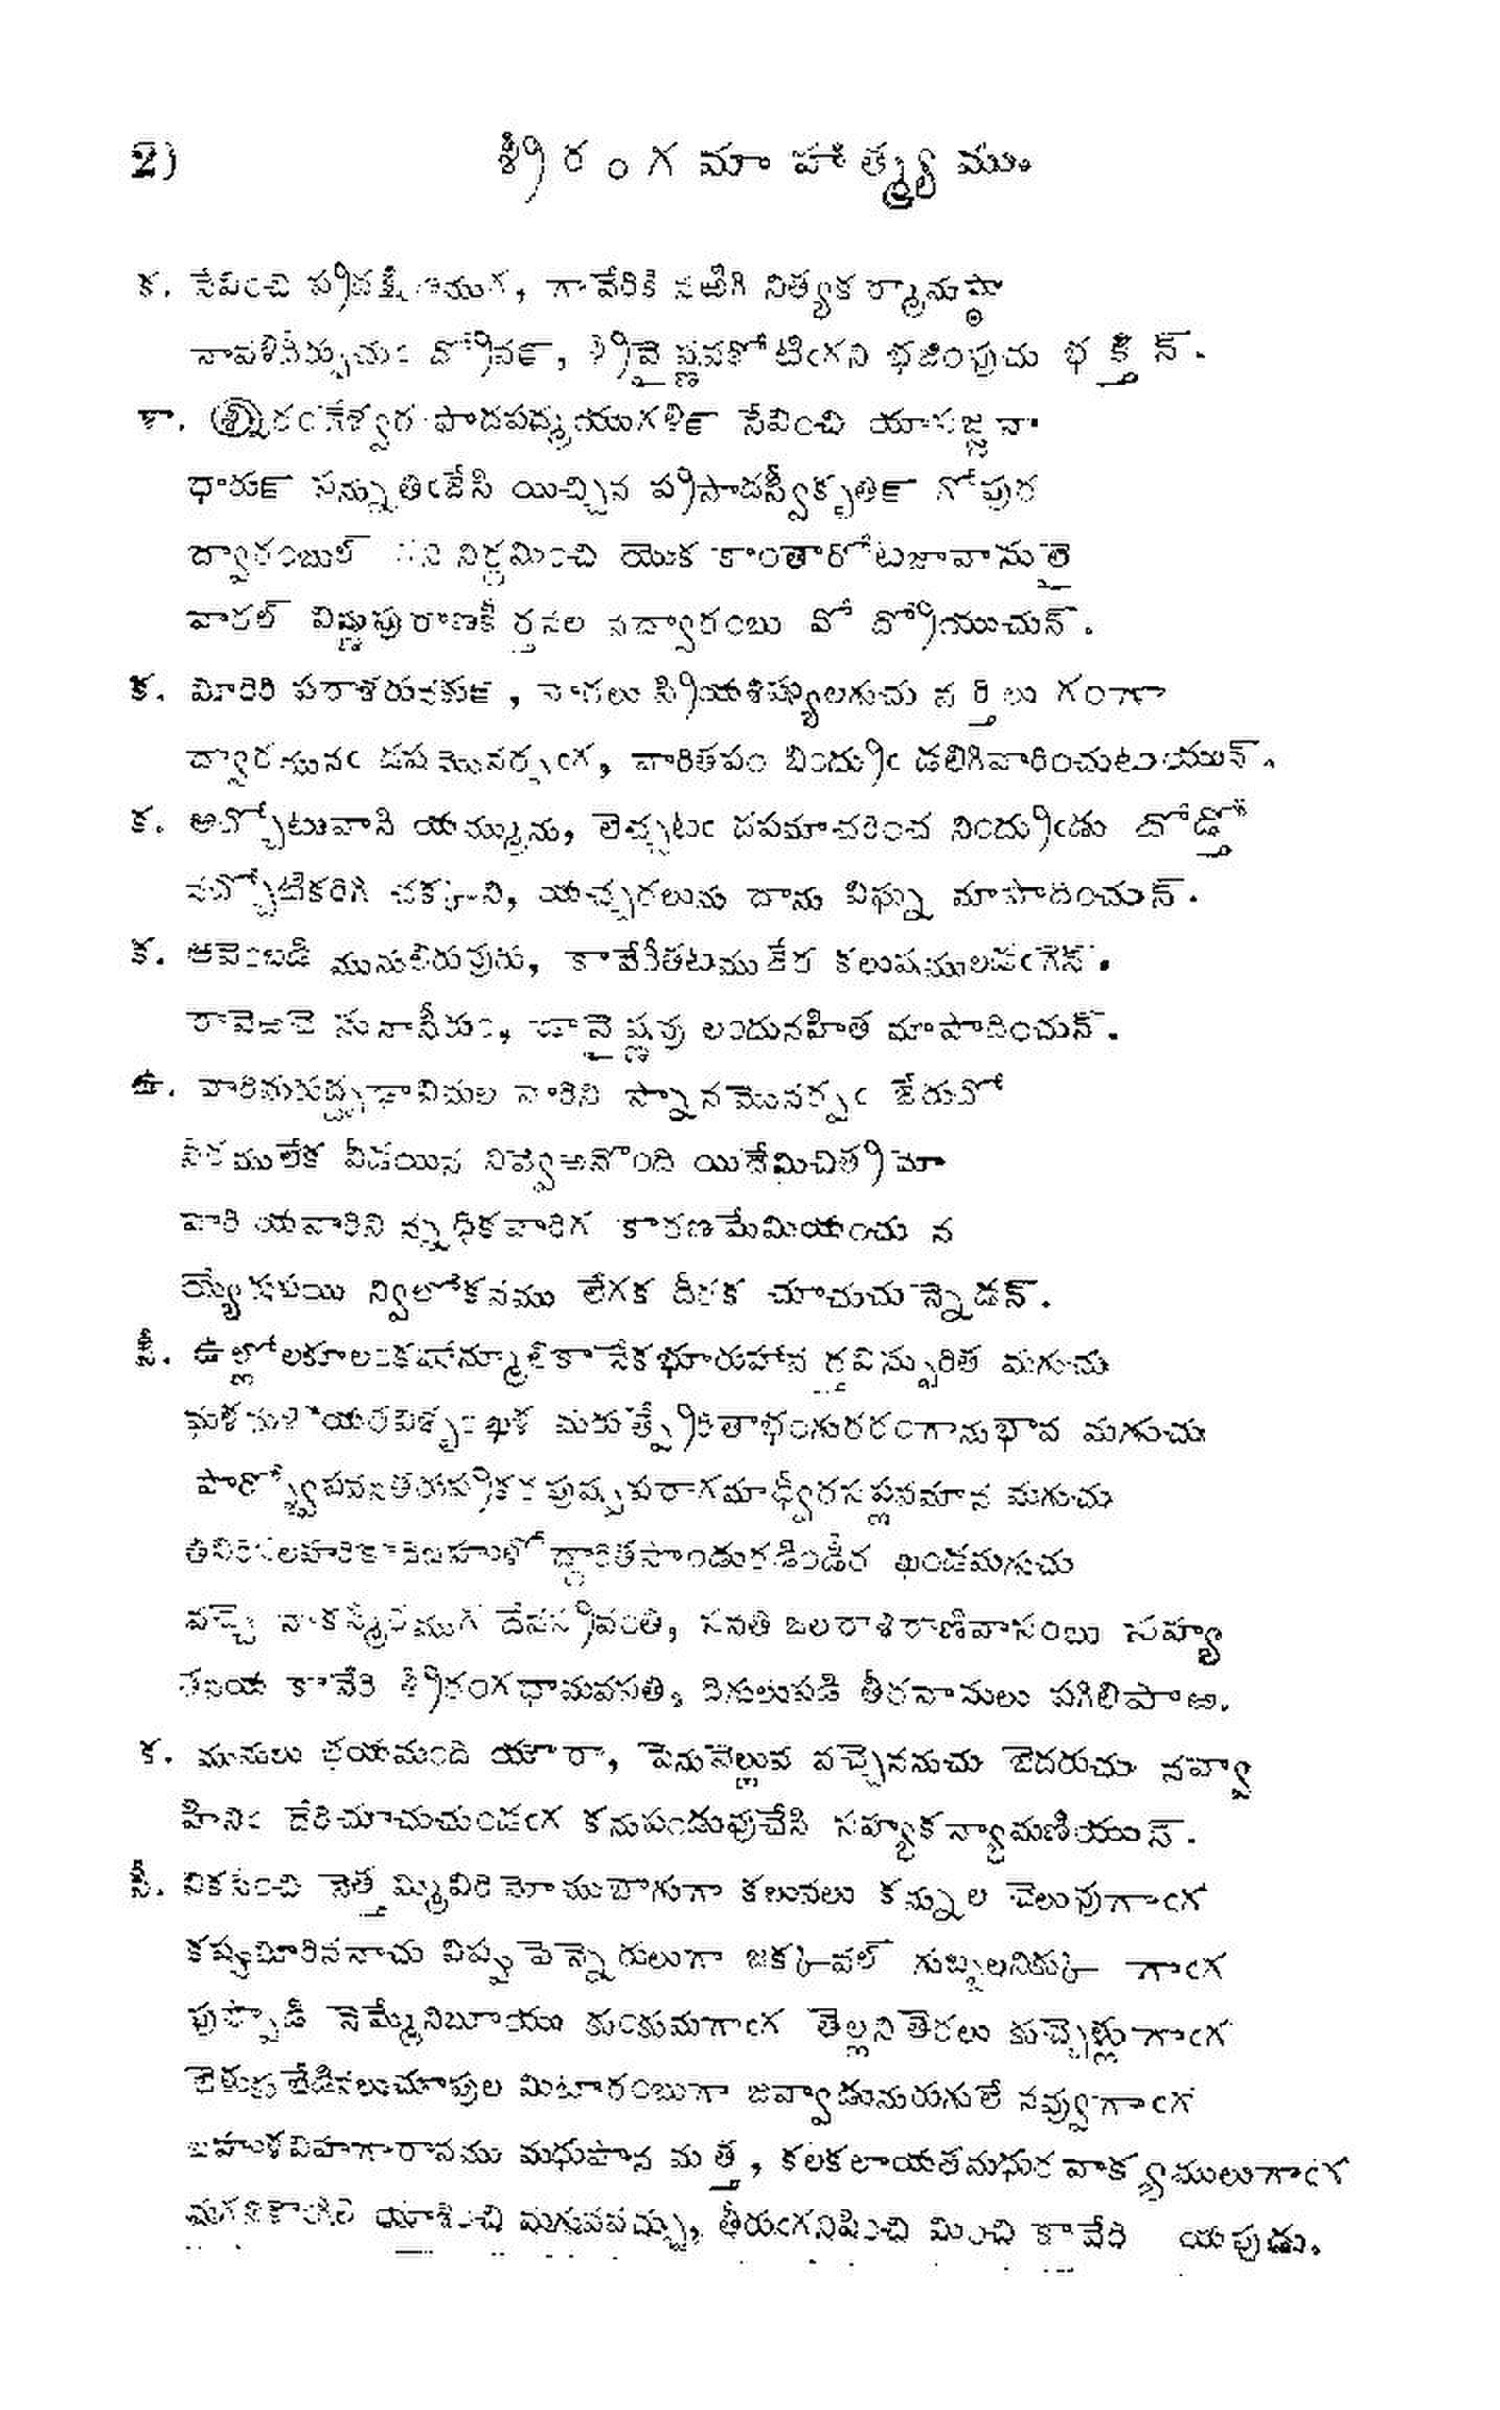క. సేవించి ప్రదక్షిణముగ, గావేరికి నఱిగి నిత్యకర్మానుష్ఠా
 నావళి దీర్చుచుఁ ద్రోవన్, శ్రీవైష్ణవకోటిఁ గని భజింపుచు భక్తిన్.
శా. శ్రీరంగేశ్వర పాదపద్మయుగళిన్ సేవించి యాపజ్జనా
 ధారున్ సన్నుతిఁజేసి యిచ్చిన ప్రసాదస్వీకృతిన్ గోపుర
 ద్వారంబుల్ గని నిర్గమించి యొక కాంతారోటజావాసులై
 వారల్ విష్ణుపురాణకీర్తనల వద్వారంబు వో ద్రోయుచున్.
క. మీరిరి పరాశరునకున్, వారలు ప్రియశిష్యులగుచు వర్తిలు గంగా
 ద్వారమునఁ దప మొనర్పఁగ, వారితపం బింద్రుఁ డలిగి వారించుటయున్.
క. అచ్చోటు వాసి యమ్మును, లెచ్చటఁ దప మాచరించ నింద్రుఁడు దోడ్తో
 నచ్చోటి కరిగి చక్కని, యచ్చరలును దాను విఘ్న మాపాదించున్.
క. ఆవెంబడి మునులిరువురు, కావేరీతటము జేర కలుషము లడఁగెన్
 రావెఱచె సునాసీరుం, డావైష్ణవు లందు నహిత మాపాదించున్.
ఉ. వారిమరుద్దృఢావిమల నారిని స్నాన మొనర్పఁ జేరుచో
 నీరము లేక వీడయిన నివ్వెఱనొంది యిదేమిచిత్రమో
 వారి యవారిని న్నధికవారిగ కారణ మేమియంచు న
 య్యేరుపయి న్విలోకనము లేగక దీరక చూచుచున్నెడన్.
సీ. ఉల్లోలకూలంకషోన్మూలికానేకభూరుహావర్తవిస్ఫురిత మగుచు
 మళమళాయతవిశృంఖళమరుత్ప్రేరితాభంగురరంగానుభావ మగుచు
 పార్శ్వోపవనతరుప్రకరపుష్పపరాగమాధ్వీరసప్లవమాన మగుచు
 తివిరిసలహరికాదిబహుళోద్గారితపాండురడిండీరఖండ మగుచు
 వచ్చె నాకస్మికముగ దేవస్రవంతి, సవతిజలరాశిరాణివాసంబు సహ్య
 తనయ కావేరి శ్రీరంగధామవసతి, దికులుపడి తీరవానులు పగిలిపాఱ.
క. మునులు భయమంది యౌరా, పెనువెల్లువ వచ్చెననుచు బెదరుచు నవ్వా
 హినిఁ దేరిచూచుచుండఁగ కనుపండువుచేసి సహ్యకన్యామణియున్.
సీ. వికసించి నెత్తమ్మివిరిమోము బాగుగా కలువలు కన్నులచెలువు గాఁగ
 కప్పుమీరిననాచు విప్పు పెన్నెరులుగా జక్కవల్ గుబ్బలనిక్కు గాఁగ
 పుప్పొడి నెమ్మేనిబూయు కుంకుమ గాఁగ తెల్లనితెరలు కుచ్చెళ్లు గాఁగ
 బెళుకుబేడిసలు చూపుల మిటారంబుగా జవ్వాడునురుగులే నవ్వు గాఁగ
 బహుళవిహగారావము మధుపానమత్త, కలకలాయతమధురవాక్యములు గాఁగ
 మగనికౌఁగిలి యాశించి మగువ వచ్చు, తీరుఁ గనిపించి మించి కావేరి యపుడు.